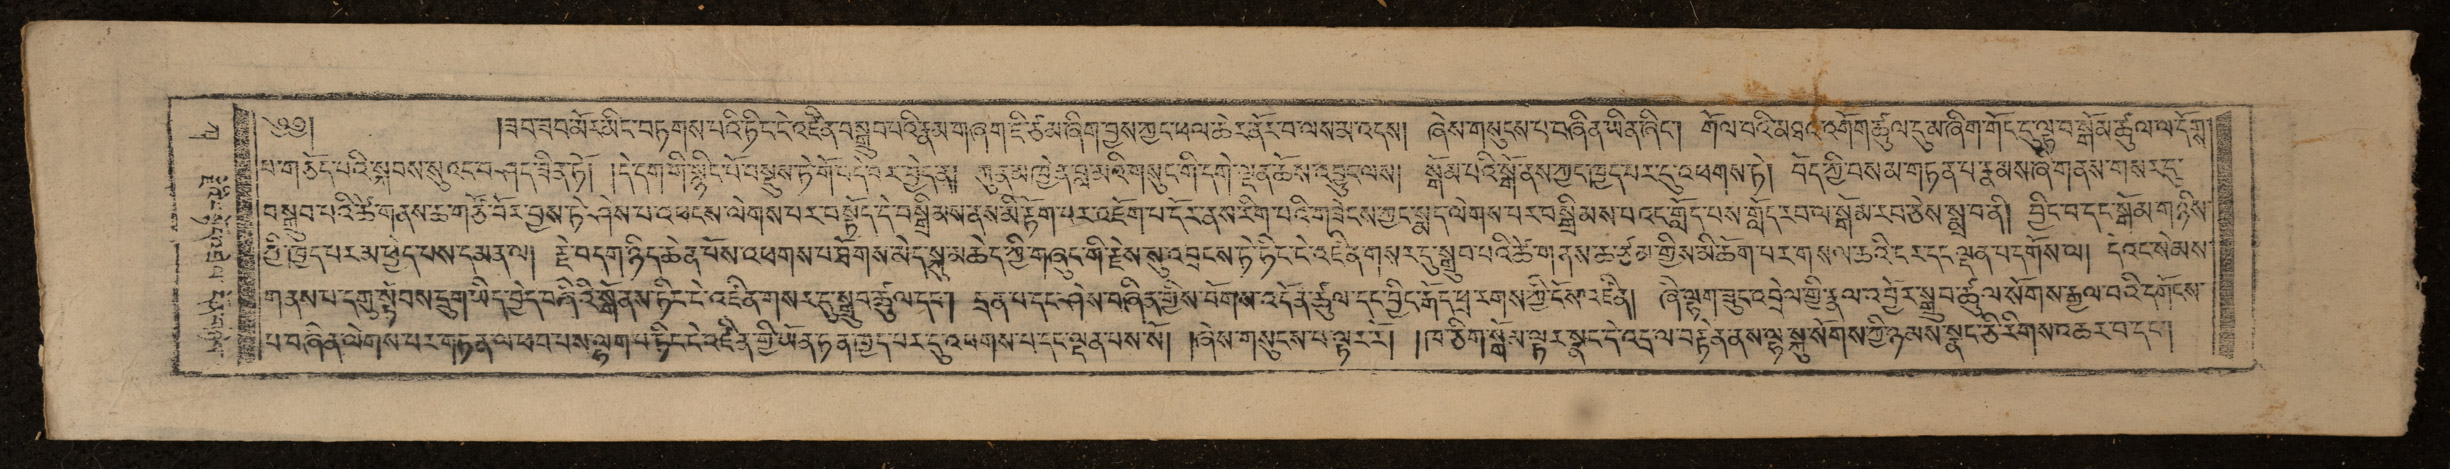༄༅། །ཟབ་ཟབ་མོར་མིང་བཏགས་པའི་ཏིང་ངེ་འཛིན་བསྒྲུབ་པའི་རྣམ་གཞག་ཇི་ཙམ་ཞིག་བྱས་ཀྱང་ཕལ་ཆེར་ནོར་བ་ལས་མ་འདས། ཞེས་གསུངས་པ་བཞིན་ཡིན་ཞིང་། གོལ་བའི་མཐའ་འགོག་ཚུལ་དུ་མ་ཞིག་གོང་དུ་ལྷ་བསྒོམ་ཚུལ་འདོགས་
བ་གཅོད་པའི་སྐབས་སུའང་བཤད་ཟིན་ཏོ། །དེ་དག་གི་སྙིང་པོ་བསྡུས་ཏེ་གོ་བདེ་བར་བྱེད་ན། ཀུན་མཁྱན་བླ་མའི་གསུང་གི་དགེ་ལྡན་ཆོས་འབྱུང་ལས། སྒོམ་པའི་སྒོ་ནས་གྱང་ཁྱད་པར་དུ་འཕགས་ཏེ། བོད་ཀྱི་བསམ་གཏན་པ་རྣམས་ཞི་གནས་གསར་དུ་
བསྒྲུབ་པའི་ཚེ་གནས་ཆ་གཙོ་བོར་བྱས་ཏེ་ཤེས་པ་འཕངས་ལེགས་པར་བསྟོད་དེ་བསྒྲགས་ནས་མེ་རྟོག་པར་འཇོག་པ་དོར་ནས་རིག་པའི་གཟེངས་ཀྱང་སྨད་ལེགས་པར་བསྒྲིམས་བའང་གློད་བས་གློད་རབ་ལ་སྒོམ་རབ་ཅེས་སྨྲ་བ་ནི། བྱིང་བ་དང་སྒོམ་གཉིས་
ཀྱི་ཁྱད་པར་མ་ཕྱེད་པས་དམན་ལ། རྗེ་བདག་ཉིད་ཆེན་པོས་འཕགས་པ་ཐོགས་མེད་སྐུ་མཆེད་ཀྱི་གཞུང་གི་རྗེས་སུ་འབྲངས་ཏེ་ཏིང་ངེ་འཛིན་གསར་དུ་སྒྲུབ་པའི་ཚེ་གནས་ཆ་ཙམ་གྱིས་མི་ཆོག་པར་གསལ་ཆའི་བར་དང་ལྡན་པ་དགོས་ལ། དེའི་བསེམས་
གནས་པ་དགུ་སྟོང་ས་དྲུག་ཡིད་བྱེད་བཞིའི་སྒོ་ནས་ཏིང་ངེ་འཛིན་གསར་དུ་སྒྲུབ་ཚུལ་དང་། དྲན་བ་དང་ཤེས་བཞིན་གྱིས་དོགས་འདོན་ཚུལ་དང་བྱིང་རྒོད་ཕྲ་རགས་ཀྱི་ངོས་འཛིན། ཞི་ལྷག་གཟུང་འབྲེལ་གྱི་རྣལ་འབྱོར་སྒྲུབ་ཚུལ་སོགས་རྒྱལ་བའི་དགོངས་
བར་བཞིན་ལེགས་པར་གཏན་ལ་ཕབ་པས་ལྷག་བཏིང་ངེ་འཛིན་གྱི་ཡོན་ཏན་ཁྱད་པར་དུ་འཕགས་པ་དང་ལྡན་པས་སོ། །ཞེས་གསུངས་པ་ལྟར་རོ། །ཁ་ཅིག་སྒོམ་ལྟར་སྣང་དེ་འདྲ་ལ་བརྟེན་ནས་ལྷ་སྐུ་སོགས་གྱི་ཉམས་སྣང་ནི་རིགས་འཆར་བ་དང་།